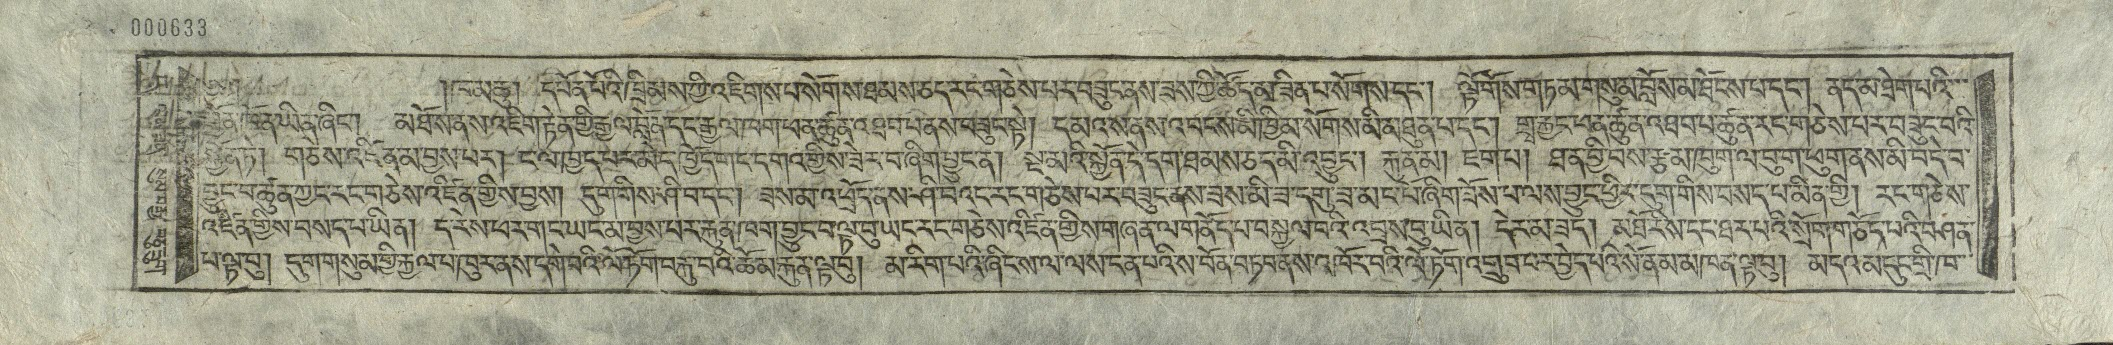༄༅། །ཁ་མཆུ། དཔོན་པོའི་ཁྲིམས་ཀྱི་འཇིགས་པ་སོགས་ཐམས་ཅད་རང་གཅེས་པར་བཟུང་ནས་ཟས་ཀྱི་ཚོད་མ་ཟིན་པ་སོགས་དང་། ལྟོ་གོས་གཏམ་གསུམ་བློས་མ་ཐོངས་པ་དང་། ནད་མ་ཐེག་པའི་
སྐྱོན་ཁོ་ན་ཡིན་ཞིང་། མཐོ་ས་ནས་འཇིག་རྟེན་གྱི་རྒྱལ་བློན་དང་རྒྱལ་ཁག་ཕན་ཚུན་འཐབ་པ་ནས་བཟུང་སྟེ། དམའ་ས་ནས་འབངས་མི་ཁྱིམ་སོགས་མི་མཐུན་པ་དང་། གྲྭ་རྐྱང་ཕན་ཚུན་འཐབ་པ་ཚུན་རང་གཅེས་པར་བཟུང་བའི་
སྐྱོན་ཏེ། གཅེས་འཛིན་མ་བྱས་པར། ང་ལ་ཁྱད་པར་མེད་ཁྱོད་གང་དགའ་གྱིས་ཟེར་བ་ཞིག་བྱུང་ན། སྔ་མའི་སྐྱོན་དེ་དག་ཐམས་ཅད་མི་འབྱུང་། རྐུན་མ། ཇག་པ། ཐ་ན་བྱི་བས་རྩམ་ཁུག་ལ་བུ་ག་ཕུག་ནས་མི་བདེ་བ་
བྱུང་བ་ཚུན་ཀྱང་རང་གཅེས་འཛིན་གྱིས་བྱས། དུག་གིས་ཤི་བ་དང་། ཟས་མ་འཕྲོད་ནས་ཤི་བའང་རང་གཅེས་པར་བཟུང་ནས་ཟས་མི་ཟ་དགུ་ཟ་མང་པོ་ཞིག་ཟོས་པ་ལས་བྱུང་ཕྱིར་དུག་གིས་བསད་པ་མིན་གྱི། རང་གཅེས་
འཛིན་གྱིས་བསད་པ་ཡིན། ད་རེས་ཕར་གང་ཡང་མ་བྱས་པར་རྐུན་ཁག་བྱུང་བ་ལྟ་བུ་ཡང་རང་གཅེས་འཛིན་གྱིས་གཞན་ལ་གནོད་པ་བསྐྱལ་བའི་འབྲས་བུ་ཡིན། དེར་མ་ཟད། མཐོ་རིས་དང་ཐར་པའི་སྲོག་གཅོད་པའི་བཤན་
པ་ལྟ་བུ། དུག་གསུམ་གྱི་རྐྱལ་པ་ཁུར་ནས་དགེ་བའི་ལོ་ཏོག་བརྐུ་བའི་ཆོམ་རྐུན་ལྟ་བུ། མ་རིག་པའི་ཞིང་ས་ལ་ལས་ངན་པའི་ས་བོན་བཏབ་ནས་འཁོར་བའི་ལོ་ཏོག་འགྲུབ་པར་བྱེད་པའི་སོ་ནམ་མཁན་ལྟ་བུ། མདའ་མདུང་གྲི་ཁ་